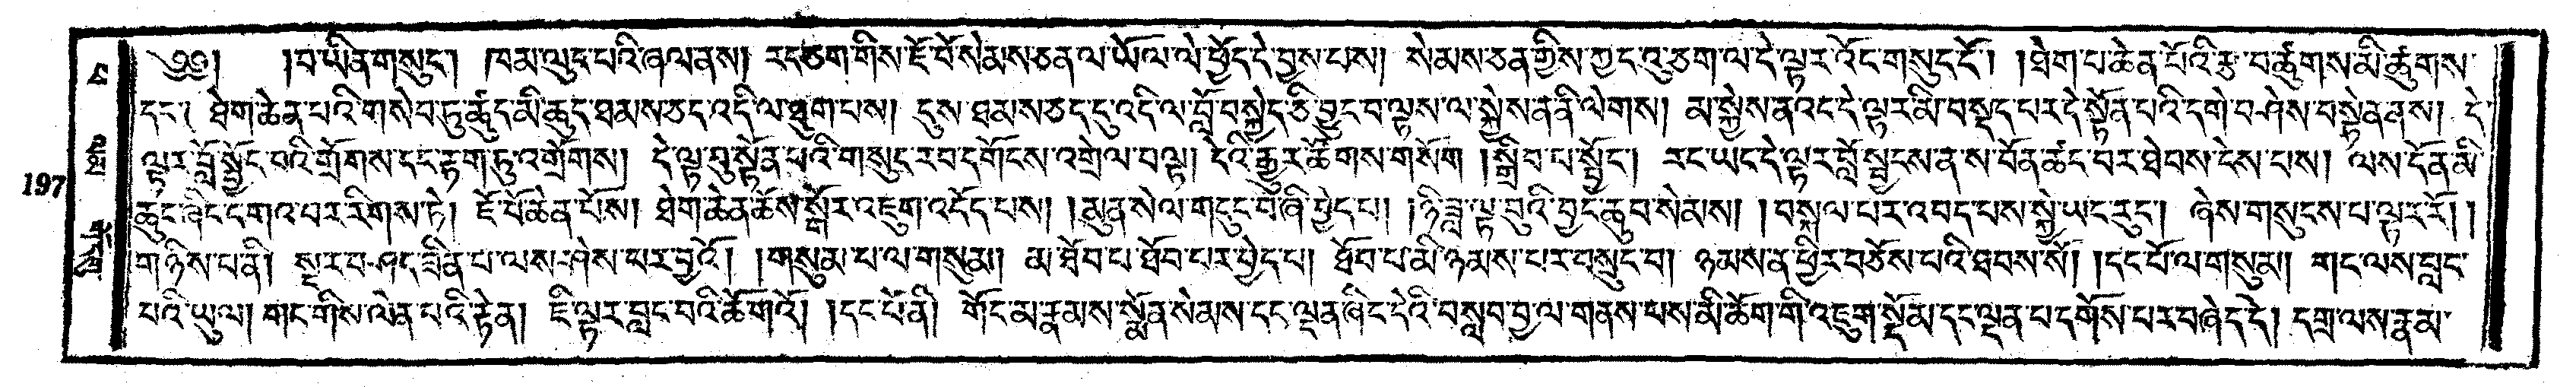༄༅། །བ་ཡིན་གསུངས། ཁམ་ལུང་པའི་ཞལ་ནས། རང་ཅག་གིས་ཇོ་བོ་སེམས་ཅན་ལ་ཡོལ་ལེ་ཕྱོད་དེ་བྱས་པས། སེམས་ཅན་གྱིས་ཀྱང་འུ་ཅག་ལ་དེ་ལྟར་འོང་གསུང་ངོ། །ཐེག་པ་ཆེན་པོའི་རྩ་བ་ཚུགས་མི་ཚུགས་
དང༑ ཐེག་ཆེན་པའི་གསེབ་ཏུ་ཚུད་མི་ཆུད་ཐམས་ཅད་འདི་ལ་ཐུག་པས། དུས་ཐམས་ཅད་དུ་འདི་ལ་བློ་བསྐྱེད་ཅི་བྱུང་བ་ལྟས་ལ་སྐྱེས་ན་ནི་ལེགས། མ་སྐྱེས་ནའང་དེ་ལྟར་མི་བསྡད་པར་དེ་སྟོན་པའི་དགེ་བཤེས་བསྟེན་ནས། དེ་
ལྟར་བློ་སྦྱོང་བའི་གྲོགས་དང་རྟག་ཏུ་འགྲོགས། དེ་ལྟ་བུ་སྟོན་པའི་གསུང་རབ་དགོངས་འགྲེལ་བལྟ། དེའི་རྒྱུར་ཚོགས་གསོག །སྒྲིབ་པ་སྦྱོང་། རང་ཡང་དེ་ལྟར་བློ་སྦྱངས་ན་ས་བོན་ཚང་བར་ཐེབས་ངེས་པས། ལས་དོན་མི་
ཆུང་ཞིང་དགའ་བར་རིགས་ཏེ། ཇོ་བོ་ཆེན་པོས། ཐེག་ཆེན་ཆོས་སྒོར་འཇུག་འདོད་པས། །མུན་སེལ་གདུང་བ་ཞི་བྱེད་པ། །ཉི་ཟླ་ལྟ་བུའི་བྱང་ཆུབ་སེམས། །བསྐལ་པར་འབད་པས་སྐྱེ་ཡང་རུང་། ཞེས་གསུངས་པ་ལྟར་རོ། །
གཉིས་པ་ནི། སྔར་བཤད་ཟིན་པ་ལས་ཤེས་པར་བྱའོ། །གསུམ་པ་ལ་གསུམ། མ་ཐོབ་པ་ཐོབ་པར་བྱེད་པ། ཐོབ་པ་མི་ཉམས་པར་བསྲུང་བ། ཉམས་ན་ཕྱིར་བཅོས་པའི་ཐབས་སོ། །དང་པོ་ལ་གསུམ། གང་ལས་བླང་
པའི་ཡུལ། གང་གིས་ལེན་པའི་རྟེན། ཇི་ལྟར་བླང་པའི་ཆོ་གའོ། །དང་པོ་ནི། གོང་མ་རྣམས་སྨོན་སེམས་དང་ལྡན་ཞིང་དེའི་བསླབ་བྱ་ལ་གནས་པས་མི་ཆོག་གི་འཇུག་སྡོམ་དང་ལྡན་པ་དགོས་པར་བཞེད་དེ། དགྲ་ལས་རྣམ་